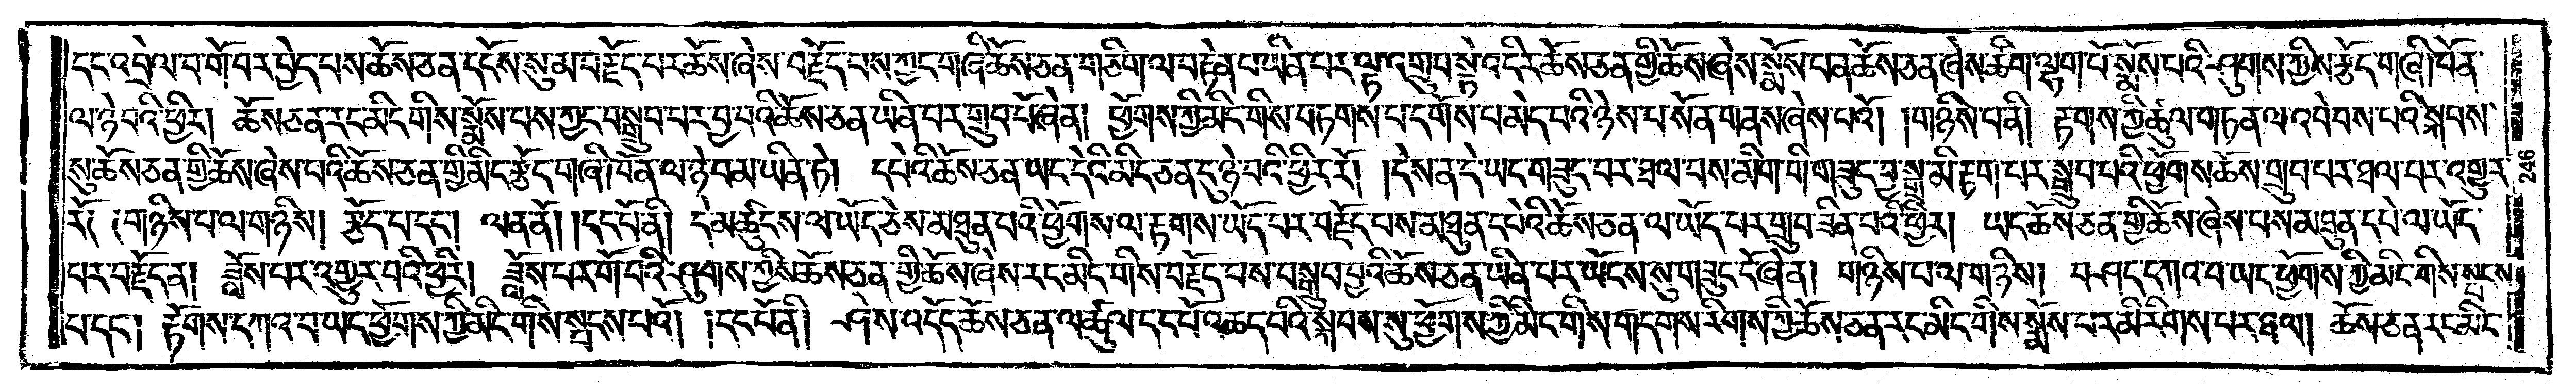དང་འབྲེལ་བ་གོ་བར་བྱེད་པས་ཆོས་ཅན་དངོས་སུ་མ་བརྗོད་པར་ཆོས་ཞེས་བརྗོད་པས་ཀྱང་གཞི་ཆོས་ཅན་གཅིག་ལ་བརྟེན་པ་ཡིན་པར་ལྟ་འགྲུབ་སྟེ་འདིར་ཆོས་ཅན་གྱི་ཆོས་ཞེས་སྨོས་པ་ན་ཆོས་ཅན་ཞེས་ཚིག་ལྷག་པོ་སྨོས་པའི་ཤུགས་ཀྱིས་རྩོད་གཞི་ཁོ་ན་
ལ་ཉེ་བའི་ཕྱིར། ཆོས་ཅན་རང་མིང་གིས་སྨོས་པས་ཀྱང་བསྒྲུབ་པར་བྱ་བའི་ཆོས་ཅན་ཡིན་པར་གྲུབ་པོ་ཞེ་ན། ཕྱོགས་ཀྱི་མིང་གིས་བཏགས་པ་དགོས་པ་མེད་བའི་ཉེས་པ་སོ་ན་གནས་ཞེས་པའོ། །གཉིས་པ་ནི། རྟགས་ཀྱི་ཚུལ་གཏན་ལ་འབེབས་པའི་སྐབས་
སུ་ཆོས་ཅན་གྱི་ཆོས་ཞེས་པའི་ཆོས་ཅན་གྱི་མིང་རྩོད་གཞི་ཁོ་ན་ལ་ཉེ་བ་མ་ཡིན་ཏེ། དཔེའི་ཆོས་ཅན་ཡང་དེའི་མིང་ཅན་དུ་ཉེ་བའི་ཕྱིར་རོ། །དེས་ན་དེ་ཡང་གཟུང་བར་ཐལ་པས་མིག་གི་གཟུང་བྱ་སྒྲ་མི་རྟག་པར་སྒྲུབ་པའི་ཕྱོགས་ཆོས་གྲུབ་པར་ཐལ་བར་འགྱུར་
རོ༑ ༑གཉིས་པ་ལ་གཉིས། རྩོད་པ་དང་། ལན་ནོ། །དང་པོ་ནི། དེ་མཚུངས་ལ་ཡོད་ཅེས་མཐུན་བའི་ཕྱོགས་ལ་རྟགས་ཡོད་པར་བརྗོད་པས་མཐུན་དཔེའི་ཆོས་ཅན་ལ་ཡོད་པར་གྲུབ་ཟིན་པའི་ཕྱིར། ཡང་ཆོས་ཅན་གྱི་ཆོས་ཞེས་པས་མཐུན་དཔེ་ལ་ཡོད་
པར་བརྗོད་ན། ཟློས་པར་འགྱུར་བའི་ཕྱིར། ཟློས་པར་གོ་བའི་ཤུགས་ཀྱིས་ཆོས་ཅན་གྱི་ཆོས་ཞེས་རང་མིང་གིས་བརྗོད་པས་བསྒྲུབ་བྱའི་ཆོས་ཅན་ཡིན་པར་ཡོངས་སུ་གཟུང་ངོ་ཞེ་ན། གཉིས་པ་ལ་གཉིས། བཤད་དཀའ་བ་ཡང་ཕྱོགས་ཀྱི་མིང་གིས་སྤངས་
པ་དང་། རྟོགས་དཀའ་བ་ཡང་ཕྱོགས་ཀྱི་མིང་གིས་སྤངས་པའོ། །དང་པོ་ནི། ཤེས་འདོད་ཆོས་ཅན་ལ་ཚུལ་དང་པོ་འཆད་བའི་སྐབས་སུ་ཕྱོགས་ཀྱི་མིང་གིས་གདགས་རིགས་ཀྱི་ཆོས་ཅན་རང་མིང་གིས་སྨོས་པར་མི་རིགས་པར་ཐལ། ཆོས་ཅན་རང་མིང་